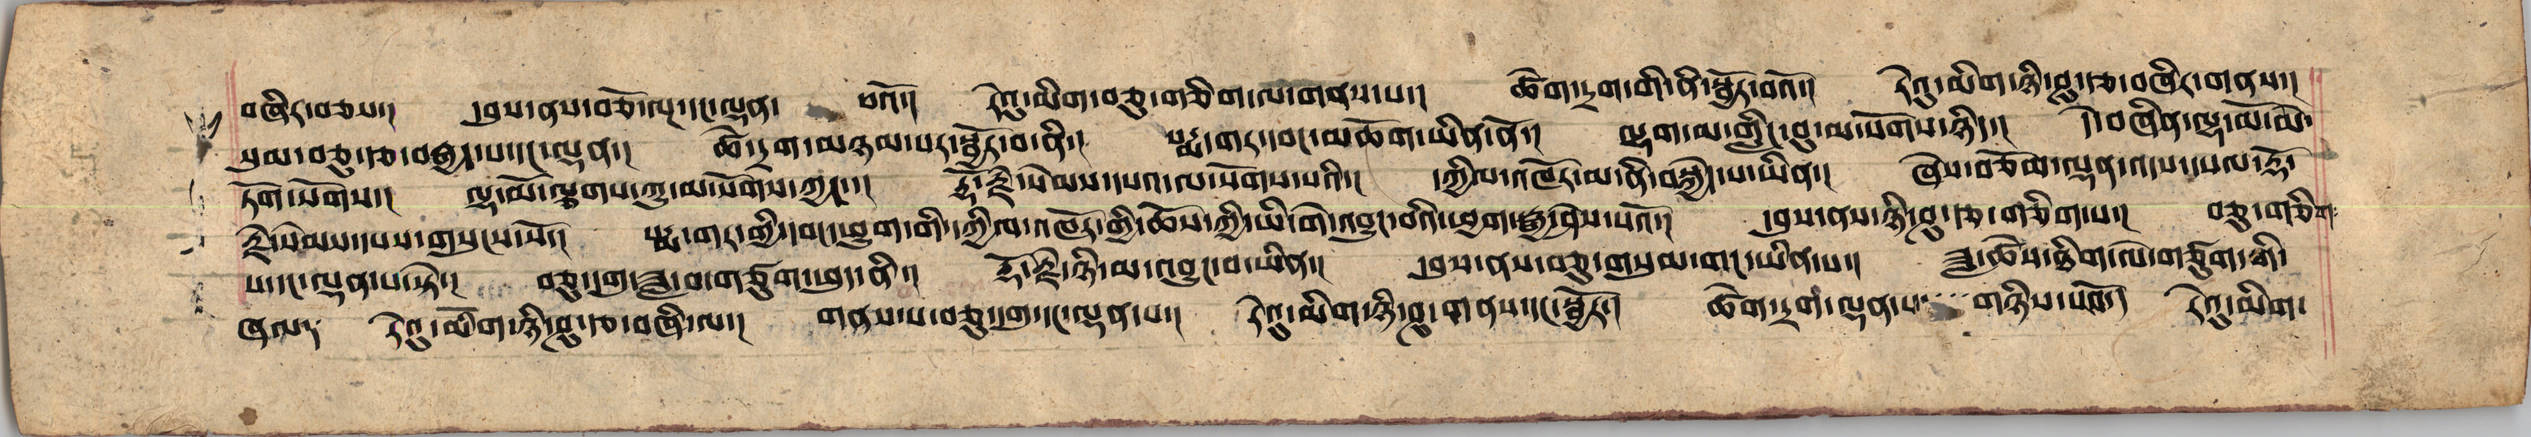བཞིར་བཅས་། དབུས་ནས་བཅོ་ལྔ་དང་ལྡན་ པའོ་། རེའུ་མིག་བཅུ་གཅིག་ལ་གནས་པ་། ཚེག་དྲག་གི་ནི་སྦྱོར་བའོ་། རེའུ་མིག་ཉི་ཤུ་རྩ་བཞིར་གནས་།
སུམ་བཅུ་རྩ་བརྒྱད་པ་དང་ལྡན་། ཚེག་དྲག་མཉམ་པར་སྦྱོར་བ་ནི་། པདྨ་གར་དབང་མཆོག་ཡིན་ནོ་། ལྷག་མ་གླིང་བུ་ལ་སོགས་ཉིད་། དེ་བཞིན་ལྷ་མོ་མེ་
ཏོག་སོགས་། ལྷ་མོ་ལྕགས་ཀྱུ་མ་སོགས་ཀྱང་་། རྡོ་རྗེ་སེམས་དཔའ་ལ་སོགས་པའི་། དཀྱིལ་འཁོར་མ་ནི་བསྐྱེད་པ་ཡིན་། ཞེས་བཅོམ་ལྡན་འདས་དཔལ་རྡོ་
རྗེ་སེམས་དཔས་གསུངས་ས་ོ་། པདྨ་གར་གྱི་དབང་ཕྱུག་གི་དཀྱིལ་འཁོར་གྱི་ཆོས་ཀྱི་ཡི་གེ་འབྱུང་བའི་ཕྱག་རྒྱ་ཤེས་པའོ་། དབུས་ནས་ཉི་ཤུ་རྩ་གཅིག་པ་། བཅུ་གཅིག་
པ་དང་ལྡན་པ་སྟེ་། བཅུ་དགུ་ཟླ་བ་གཙུག་ཕུད་ནི་། རྡོ་རྗེ་ཉི་མ་འབྱུང་བ་ཡིན་། དབུས་ནས་བཅུ་གསུམ་གང་ཡིན་པ་། ཟླ་ཚེས་ཐིག་ལེ་གཙུག་གི་
ཞལ༑ རེའུ་མིག་ཉི་ཤུ་རྩ་བཞི་ལ་། གནས་པ་བཅུ་དགུ་དང་ལྡན་པ་། རེའུ་མིག་ཉི་ཤུ་གནས་དང་སྦྱོར་། ཚེག་དྲག་ལྡན་པ་་་་གཉིས་པའོ་། རེའུ་མིག་